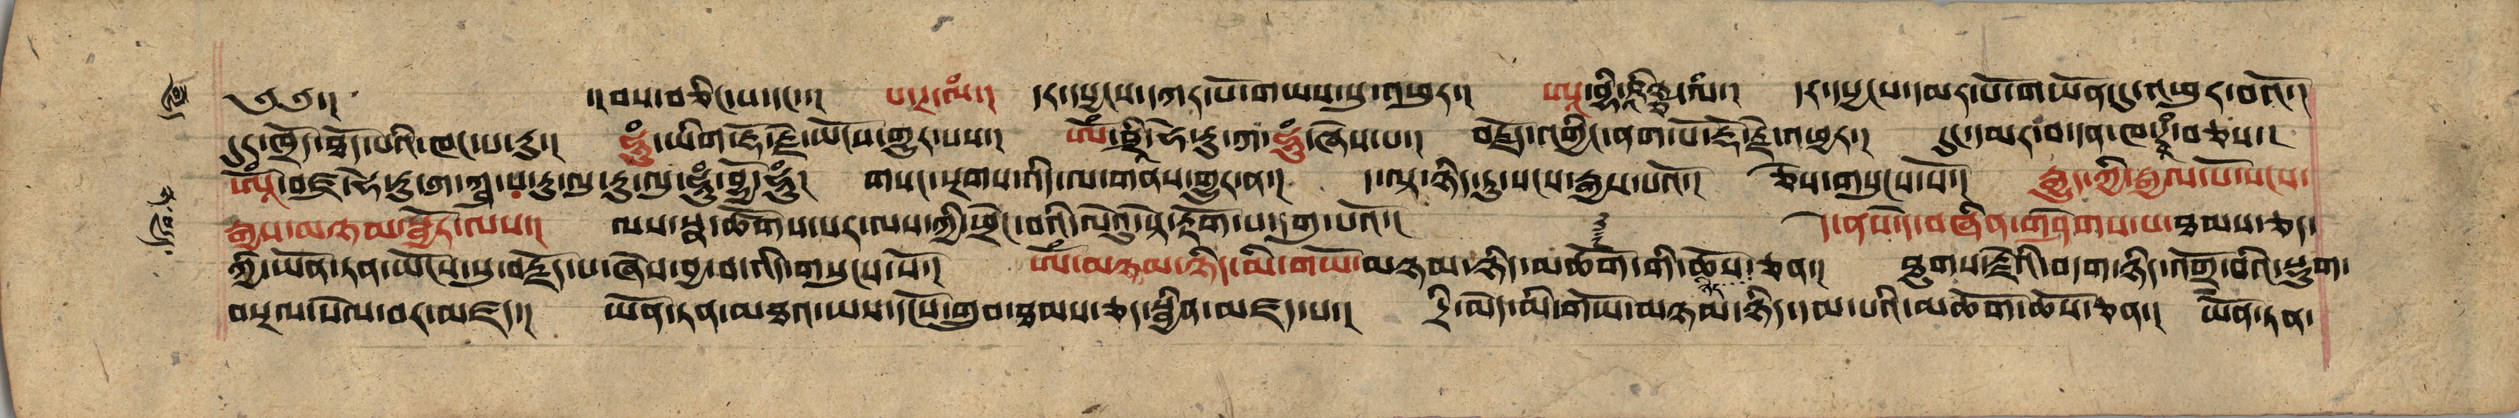༄༅་། ་།བས་བཅིངས་པ་དང་་། པ་ཊ་ལཾ་། དར་དཔྱངས་དཀར་པོ་གཡས་སུ་འཕུར་། ཨཱ་བྷི་ཥཱིཉྩ་ལཾ་། དར་དཔྱངས་དམར་པོ་གཡོན་དུ་འཕུར་བའོ་།
དུར་ཁྲོད་ཐོད་པའི་ཁང་པ་རུ་། ཧཱུཾ་ཡིག་རྡོ་རྗེ་ཡོངས་གྱུར་པས་། ཨོཾ་ཤྲི་ཧེ་རུ་ཀ་ཧཱུཾ་ཞེས་པ་། བརྗོད་འགྱིང་ནག་པོ་རྡོ་རྗེ་འཕྱར་། དུང་དམར་བ་དན་ཁ་ཊྭཱཾ་བཅས་།
ཨཱོཾ་བཛྲ་ཧེ་རུ་ཀ་ཀྴ་ས་རུ་ལུ་རུ་ལུ་ཧཱུཾ་བྷྱོ་ཧཱུཾ། གསང་སྔགས་འདི་ལ་གནས་གྱུར་ན་། ད་ལྟ་ཉིད་དུ་སངས་རྒྱས་པའོ་། ཅེས་གསུངས་སོ་། རྒྱུད་ཀྱི་རྒྱལ་པོ་སངས་
རྒྱས་མཉམ་སྦྱོར་ལས་། ལས་སྣ་ཚོགས་པར་ལས་ཀྱི་ཕྲེང་བའི་ལེའུ་སྟེ་རྟོག་པ་དགུ་པའོ་། ༈ དེ་ནས་དེ་བཞིན་གཤེགས་པ་ཐམས་ཅད་
ཀྱི་ཡོན་ཏན་ཡོངས་སུ་བརྗོད་པ་ཞེས་བྱ་བ་འདི་གསུངས་སོ་། ཨོཾ་མཉམ་ཉིད་མི་གཡོ་མཉམ་ཉིད་མཆོག་གི་ཆོས་ཉིད་ཅན་། ཐུགས་རྗེའི་བདག་ཉིད་འགྲོ་བའི་སྡུག་
བསྔལ་སེལ་བར་མཛད་། ཡོན་ཏན་མཐའ་ཡས་དངོས་གྲུབ་ཐམས་ཅད་སྦྱིན་མཛད་པ་། དྲི་མེད་མི་གཡོ་མཉམ་ཉིད་དམ་པའི་མཆོག་ཆོས་ཅན་། ཡོན་ཏན་